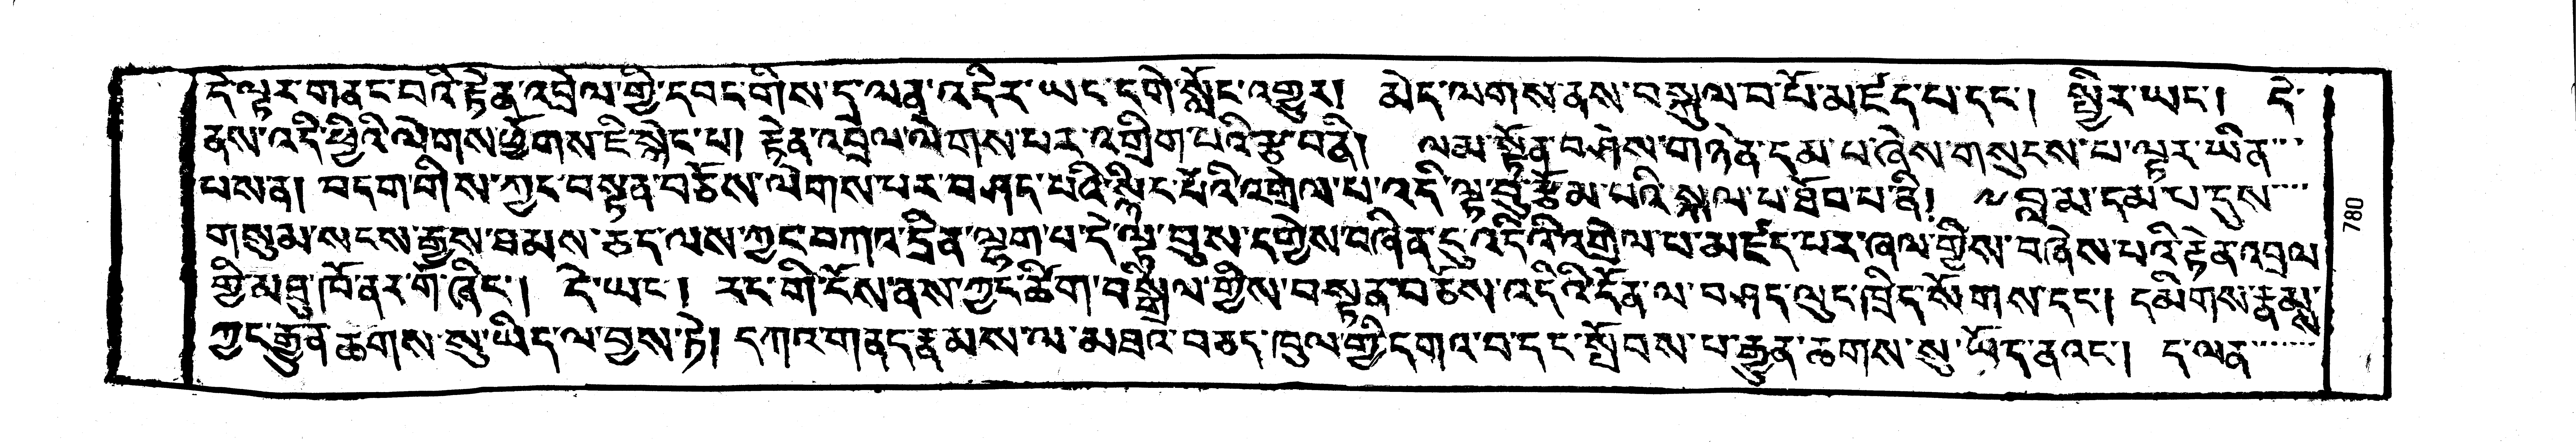དེ་ལྟར་གནང་བའི་རྟེན་འབྲེལ་གྱི་དབང་གིས་དྲ་ལན་འདིར་ཡང་དགེ་སློང་འགྱུར། མེད་ལགས་ནས་བསྐུལ་བ་པོ་མཛད་པ་དང་། སྤྱིར་ཡང་། དེ་
ནས་འདི་ཕྱིའི་ལེགས་ཕྱོགས་ཇི་སྙེད་པ། རྟེན་འབྲེལ་ལེགས་པར་འགྲིག་པའི་རྩ་བ་ནི། ལམ་སྟོན་བཤེས་གཉེན་དམ་པ་ཞེས་གསུངས་པ་ལྟར་ཡིན་
པས་ན། བདག་གིས་ཀྱང་བསྟན་བཅོས་ལེགས་པར་བཤད་པའི་སྙིང་པོའི་འགྲེལ་པ་འདི་ལྟ་བུ་རྩོམ་པའི་སྐལ་པ་ཐོབ་པ་ནི། ༧བླ་མ་དམ་པ་དུས་
གསུམ་སངས་རྒྱས་ཐམས་ཅད་ལས་ཀྱང་བཀའ་དྲིན་ལྷག་པ་དེ་ལྟ་བུས་དགྱེས་བཞིན་དུ་འདིའི་འགྲེལ་པ་མཛད་པར་ཞལ་གྱིས་བཞེས་པའི་རྟེན་འབྲལ་
གྱི་མཐུ་ཁོ་ནར་གོ་ཞིང་། དེ་ཡང་། རང་གི་ངོས་ནས་ཀྱང་ཚིག་བསྒྲིལ་གྱིས་བསྟན་བཅོས་འདིའི་དོན་ལ་བཤད་ལུང་ཁྲིད་སོགས་དང་། དམིགས་རྣམས་
ཀྱང་རྒྱུན་ཆགས་སུ་ཡིད་ལ་བྱས་ཏེ། དཀའ་གནད་རྣམས་ལ་མཐའ་བཅད་ཁུལ་གྱི་དགའ་བ་དང་སྤོབས་པ་རྒྱུན་ཆགས་སུ་ཡོད་ནའང་། ད་ལན་